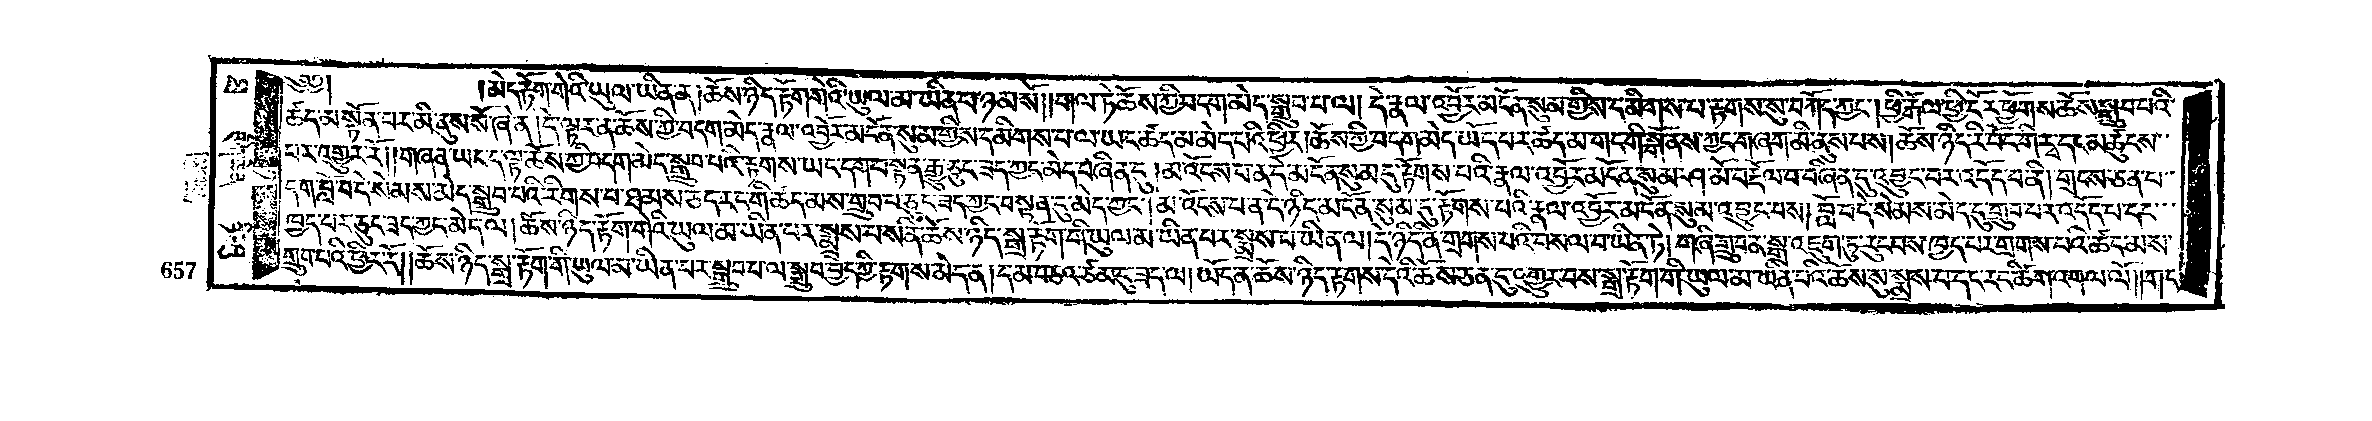༄༅། །མེད་རྟོག་གེའི་ཡུལ་ཡིན་ན། ཆོས་ཉིད་རྟོག་གེའི་ཡུལ་མ་ཡིན་པ་ཉམས་སོ། །གལ་ཏེ་ཆོས་ཀྱི་བདག་མེད་སྒྲུབ་པ་ལ། དེ་རྣལ་འབྱོར་མངོན་སུམ་གྱིས་དམིགས་པ་རྟགས་སུ་བཀོད་ཀྱང་། ཕྱི་རྒོལ་ཕྱི་ངོར་ཕྱོགས་ཆོས་སྒྲུབ་པའི་
ཚད་མ་སྟོན་པར་མི་ནུས་སོ་ཞེ་ན། དེ་ལྟར་ན་ཆོས་ཀྱི་བདག་མེད་རྣལ་འབྱོར་མངོན་སུམ་གྱིས་དམིགས་པ་ལ་ཡང་ཚད་མ་མེད་པའི་ཕྱིར། ཆོས་ཀྱི་བདག་མེད་ཡོད་པར་ཚད་མ་གང་གི་སྒོ་ནས་ཀྱང་གཞག་མི་ནུས་པས། ཆོས་ཉིད་རི་བོང་གི་རྭ་དང་མཚུངས་
པར་འགྱུར་རོ། །གཞན་ཡང་ད་ལྟ་ཆོས་ཀྱི་བདག་མེད་སྒྲུབ་པའི་རྟགས་ཡང་དག་བསྟན་རྒྱུ་ཅུང་ཟད་ཀྱང་མེད་བཞིན་དུ། མ་འོངས་པ་ན་དེ་ཉིད་མངོན་སུམ་དུ་རྟོགས་པའི་རྣལ་འབྱོར་མངོན་སུམ་ཤ་མོ་བརྡོལ་བ་བཞིན་དུ་འབྱུང་བར་འདོད་པ་ནི། གྲངས་ཅན་པ་
དག་བློ་བདེ་སེམས་མེད་སྒྲུབ་པའི་རིགས་པ་ཐམས་ཅད་རང་གི་ཚད་མས་གྲུབ་པ་ཅུང་ཟད་ཀྱང་བསྟན་དུ་མེད་ཀྱང་། མ་འོངས་པ་ན་དེ་ཉིད་མངོན་སུམ་དུ་རྟོགས་པའི་རྣལ་འབྱོར་མངོན་སུམ་འབྱུང་པས། བློ་བདེ་སེམས་མེད་དུ་གྲུབ་པར་འདོད་པ་དང་
ཁྱད་པར་ཅུང་ཟད་ཀྱང་མེད་ལ། ཆོས་ཉིད་རྟོག་གེའི་ཡུལ་མ་ཡིན་པར་སྨྲས་པས་ནི་ཆོས་ཉིད་སྒྲ་རྟོག་གི་ཡུལ་མ་ཡིན་པར་སྨྲས་པ་ཡིན་ལ། དེ་ཉིད་ནི་གྲགས་པའི་བསལ་བ་ཡིན་ཏེ། གཞི་གྲུབ་ན་སྒྲ་འཇུག་ཏུ་རུང་བས་ཁྱད་པར་གྲགས་པའི་ཚད་མས་
གྲུབ་པའི་ཕྱིར་རོ། །ཆོས་ཉིད་སྒྲ་རྟོག་གི་ཡུལ་མ་ཡིན་པར་སྒྲུབ་པ་ལ་སྒྲུབ་བྱེད་ཀྱི་རྟགས་མེད་ན། དམ་བཅའ་ཙམ་དུ་ཟད་ལ། ཡོད་ན་ཆོས་ཉིད་རྟགས་དེའི་ཆོས་ཅན་དུ་འགྱུར་བས་སྒྲ་རྟོག་གི་ཡུལ་མ་ཡིན་པའི་ཆོས་སུ་སྨྲས་པ་དང་རང་ཚིག་འགལ་ལོ། །གང་